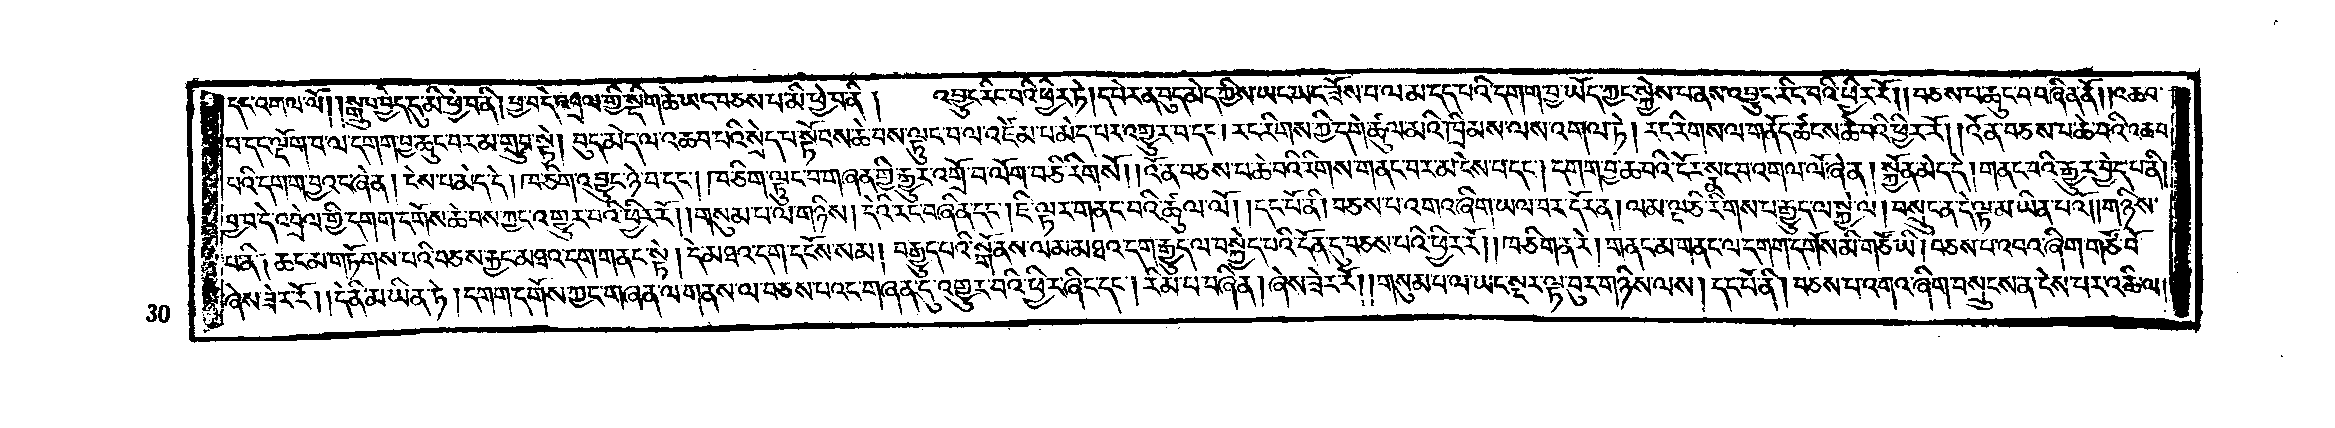དང་འགལ་ལོ། །སྒྲུབ་བྱེད་དུ་མི་ཕྱེ་བ་ནི། བྱ་བ་དེ་འབྲེལ་གྱི་སྡིག་ཆེ་ཡང་བཅས་པ་མི་ཕྱེ་བ་ནི། འབྱུང་རིང་པའི་ཕྱིར་ཏེ། དཔེར་ན་བུད་མེད་ཀྱིས་ཡང་ཡང་ཟོས་པ་ལ་མ་དད་པའི་དགག་བྱ་ཡོད་ཀྱང་སྐྱེས་པ་ནས་འབྱུང་རིང་བའི་ཕྱིར་རོ། །བཅས་པ་ཆུང་བ་བཞིན་ནོ། །འཆབ་
པ་དང་ལྡོག་པ་ལ་དགག་བྱ་ཆུང་བར་མ་གྲུབ་སྟེ། བུད་མད་ལ་འཆབ་པའི་སྲེད་པ་སྟོབས་ཆེ་བས་ལྟུང་བ་ལ་འཛེམ་པ་མེད་པར་འགྱུར་བ་དང་། རང་རིགས་ཀྱི་དགེ་ཚུལ་མའི་ཁྲིམས་ལས་འགལ་ཏེ། རང་རིགས་ལ་གནོད་ཚངས་ཆེ་བའི་ཕྱིར་རོ། །འོ་ན་བཅས་པ་ཆེ་བའི་འཆབ་
པའི་དགག་བྱའང་ཞེ་ན། ངེས་པ་མེད་དེ། ཁ་ཅིག་འབྱུང་ཉེ་བ་དང་། ཁ་ཅིག་ལྟུང་བ་གཞན་གྱི་རྒྱུར་འགྲོ་བ་ལོག་བ་ཅི་རིགས་སོ། །འོ་ན་བཅས་པ་ཆེ་བའི་རིགས་གནང་བར་མ་ངེས་པ་དང་། དགག་བྱ་ཆ་བའི་ངོར་སྣང་བ་འགལ་ལོ་ཞེ་ན། སྐྱོན་མེད་དེ། གནང་བའི་རྒྱུར་བྱེད་པ་ནི།
བྱ་བ་དེ་འབྲེལ་གྱི་དགག་དགོས་ཆེ་བས་ཀྱང་འགྱུར་བའི་ཕྱིར་རོ། །གསུམ་པ་ལ་གཉིས། དེའི་རང་བཞིན་དང་། ཇི་ལྟར་གནང་བའི་ཚུལ་ལོ། །དང་པོ་ནི། བཅས་པ་འགའ་ཞིག་ཡལ་བར་དོར་ན། ལམ་ལྔ་ཅི་རིགས་པ་རྒྱུད་ལ་སྐྱེ་ལ། བསྲུང་ན་དེ་ལྟ་མ་ཡིན་པའོ། །གཉིས་
པ་ནི། ཆང་མ་གཏོགས་པའི་བཅས་རྐྱང་མཐའ་དག་གནང་སྟེ། དེ་མཐའ་དག་དངོས་སམ། བརྒྱུད་པའི་སྒོ་ནས་ལམ་མཐའ་དག་རྒྱུད་ལ་བསྐྱེད་པའི་དོན་དུ་བཅས་པའི་ཕྱིར་རོ། །ཁ་ཅིག་ན་རེ། གནང་མ་གནང་ལ་དགག་དགོས་མི་གཙོ་ཡི། བཅས་པ་འབའ་ཞིག་གཙོ་བོ་
ཞེས་ཟེར་རོ། །དེ་ནི་མ་ཡིན་ཏེ། དགག་དགོས་ཀྱང་གཞན་ལ་གནས་ལ་བཅས་པའང་གཞན་དུ་འགྱུར་བའི་ཕྱིར་ཞིང་དང་། རིམ་པ་བཞིན། ཞེས་ཟེར་རོ། །གསུམ་པ་ལ་ཡང་སྔར་ལྟ་བུར་གཉིས་ལས། དང་པོ་ནི། བཅས་པ་འགའ་ཞིག་བསྲུངས་ན་ངེས་པར་འཆི་ལ།